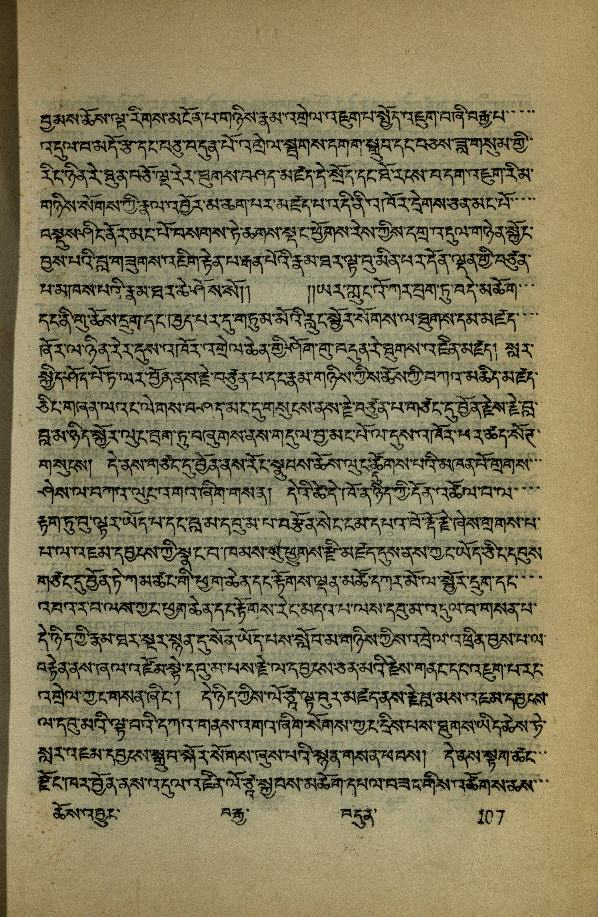བྱམས་ཆོས་ལྔ་རིགས་མངོན་པ་གཉིས་རྣམ་འགྲེལ་འཇུག་པ་སྤྱོད་འཇུག་བཞི་བརྒྱ་པ་
འདུལ་བ་མདོ་རྩ་དང་བཅུ་བདུན་པོ་འགྲེལ་སྦྲགས་དགགས་སྒྲུབ་དང་བཅས་ཟླ་གསུམ་གྱི་
རིང་ཉིན་རེ་ཐུན་བཅོ་ལྔ་རེར་ཐུགས་བཤད་མཛད་དེ་སྲོད་དང་ཐོ་རངས་བདག་འཇུག་རིམ་
གཉིས་སོགས་ཀྱི་རྣལ་འབྱོར་མ་ཆག་པར་མཛད་པ་འདི་ནི་འཁོར་དྲེགས་ཅན་མང་པོ་
བསྡུས་ཤིང་ནོར་མང་པོ་བསགས་ཏེ་ཆགས་སྡང་ཕྱོགས་རེས་ཀྱིས་དགྲ་འདུལ་གཉེན་སྐྱོང་
བྱས་པའི་བླ་གཟུགས་འཇིག་རྟེན་པ་རྒན་པོའི་རྣམ་ཐར་ལྟ་བུ་མིན་པར་དོན་ལྡན་གྱི་བཙུན་
པ་མཁས་པའི་རྣམ་ཐར་ཆེ་ཤོས་སོ།། །།ཡར་ཀླུང་འོ་ཀར་བྲག་ཏུ་བདེ་མཆོག་
དང་ནི་གུ་ཆོས་དྲུག་དང་ཁྱད་པར་དུ་གཏུམ་མོའི་རླུང་སྦྱོར་སོགས་ལ་ཐུགས་དམ་མཛད་
ཞོར་ལ་ཉིན་རེར་དུས་འཁོར་འགྲེལ་ཆེན་གྱི་ཤོག་གུ་བདུན་རེ་ཐུགས་འཛིན་མཛད། སླར་
སྐྱིད་ཤོད་པོ་ཏ་ལར་བྱོན་ནས་རྗེ་བཙུན་པ་དང་རྣམ་གཉིས་ཀྱིས་ཆོས་ཀྱི་བཀའ་མཆིད་མཛད་
ཅིང་གཞན་ལའང་ལེགས་བཤད་མང་དུ་གསུངས་ནས་རྗེ་བཙུན་པ་གཙང་དུ་བྱོན་རྗེས་རྗེ་བླ་
བླ་མ་ཉིད་སྐྱོར་ལུང་བྲག་ཏུ་བཞུགས་ནས་གདུལ་བྱ་མང་པོ་ལ་དུས་འཁོར་ཕར་ཚད་སོཌ་
གསུངས། དེ་ནས་གཙང་དུ་བྱོན་ནས་རོང་སྣུབས་ཆོས་ལུང་དུ་ཚོགས་པའི་མཁན་པོ་གྲགས་
ཤེས་ལ་བཀའ་ལུང་འགའ་ཞིག་གསན། དེའི་ཚེ་དེ་ཁོ་ན་ཉིད་ཀྱི་དོན་འཚོལ་བ་ལ་
རྟག་ཏུ་བུ་ལྟར་ཡོད་པ་དང་བླ་མ་དབུ་མ་པ་བརྩོན་སེང་ངམ་དཔའ་བོ་རྡོ་རྗེ་ཞེས་གྲགས་པ་
པ་ལ་འཇམ་དབྱངས་ཀྱི་སྣང་བ་ཁམས་སུ་ཕྱུགས་རྗེ་མཛད་དུས་ནས་ཀྱང་ཡོད་ཅིང་དབུས་
གཙང་དུ་བྱོན་ཏེ་ཀམ་ཚང་གི་ཕྱག་ཆེན་དང་རྟོགས་ལྡན་མཚོ་དཀར་མོ་ལ་སྦྱོར་དྲུག་དང་
འབའ་ར་བ་ལས་ཀྱང་ཕྱག་ཆེན་དང་རྟོགས་རེང་མདའ་པ་ལས་དབུ་མ་འདུལ་བ་གསན་པ་
དེ་ཉིད་ཀྱི་རྣམ་ཐར་སྔར་སྙན་དུ་སོན་ཡོད་པས་སློབ་མ་གཉིས་ཀྱིས་འབྲེལ་འཕྲིན་བྱས་པ་ལ་
བརྟེན་ནས་ཞལ་འཛོམ་སྟེ་དབུ་མ་པས་རྗེ་ལ་དབྱངས་ཅན་མའི་རྗེས་གནང་དང་འཇུག་པ་རང་
འགྲེལ་ཀྱང་གསན་ཞིང་། དེ་ཉིད་ཀྱིས་ལོ་ཙཱ་ལྟ་བུར་མཛད་ནས་རྗེ་བླ་མས་འཇམ་དབྱངས་
ལ་དབུ་མའི་ལྟ་བའི་དཀའ་གནས་འགའ་ཞིག་སོགས་ཀྱང་དྲིས་པས་ཐུགས་ཡིད་ཆེས་ཏེ་
སླར་འཇམ་དབྱངས་སྒྲུབ་སྐོར་སོགས་ཞུས་པའི་སྙན་གསན་ཕབས། དེ་ནས་སྟག་ཚང་
རྫོང་ཁར་བྱོན་ནས་འདུལ་འཛིན་ལོ་ཙཱ་སྐྱབས་མཆོག་དཔལ་བཟང་གིས་འཚོགས་ཆས་